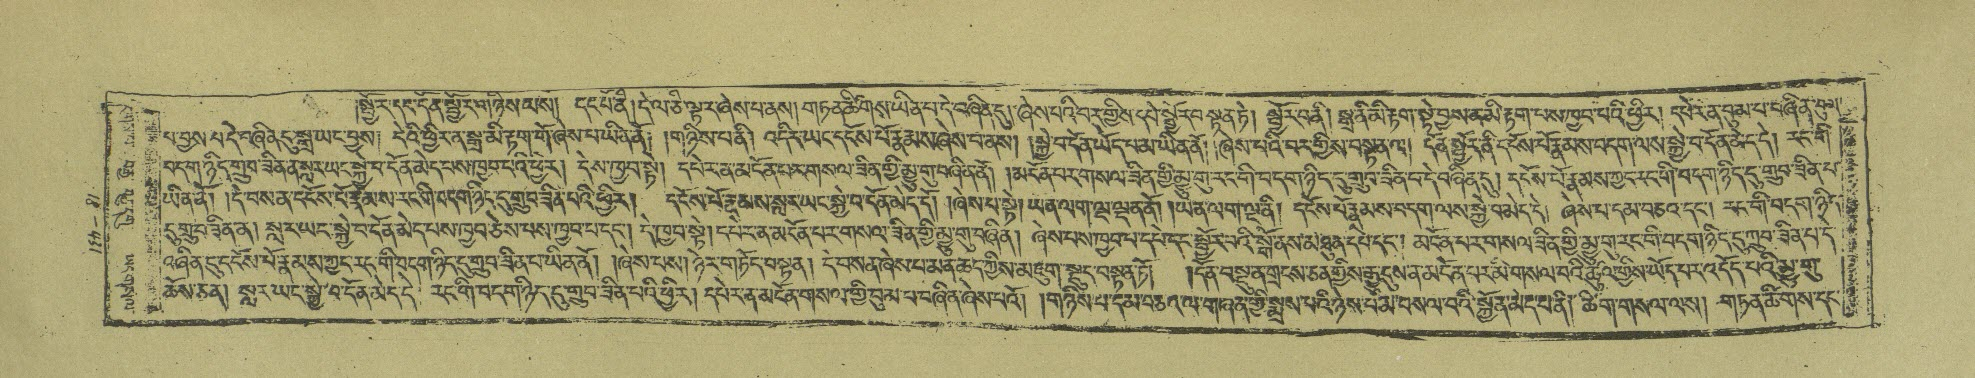༄༅། །སྦྱོར་དང་དོན་སྦྱོར་གཉིས་ལས། དང་པོ་ནི། དེ་ལ་ཅི་ལྟར་ཞེས་པ་ནས། གཏན་ཚིགས་ཡིན་པ་དེ་བཞིན་དུ། །ཞེས་པའི་བར་གྱིས་དཔེ་སྦྱོར་བསྟན་ཏེ། སྦྱོར་བ་ནི། སྒྲ་ནི་མི་རྟག་སྟེ་བྱས་ན་མི་རྟག་པས་ཁྱབ་པའི་ཕྱིར། དཔེར་ན་བུམ་པ་བཞིན། བུམ་
པ་བྱས་པ་དེ་བཞིན་དུ་སྒྲ་ཡང་བྱས། དེའི་ཕྱིར་ན་སྒྲ་མི་རྟག་གོ་ཞེས་པ་ཡིན་ནོ། །གཉིས་པ་ནི། འདིར་ཡང་དངོས་པོ་རྣམས་ཞེས་པ་ནས། །སྐྱེ་བ་དོན་ཡོད་པ་མ་ཡིན་ནོ། །ཞེས་པའི་བར་གྱིས་བསྟན་ལ། དོན་སྦྱོར་ནི་དངོས་པོ་རྣམས་བདག་ལས་སྐྱེ་བ་དོན་མེད་དེ། རང་གི་
བདག་ཉིད་དུ་གྲུབ་ཟིན་ན་སླར་ཡང་སྐྱེ་བ་དོན་མེད་པས་ཁྱབ་པའི་ཕྱིར། དེས་ཁྱབ་སྟེ། དཔེར་ན་མངོན་པར་གསལ་ཟིན་གྱི་མྱུ་གུ་བཞིན་ནོ། །མངོན་པར་གསལ་ཟིན་གྱི་མྱུ་གུ་རང་གི་བདག་ཉིད་དུ་གྲུབ་ཟིན་པ་དེ་བཞིན་དུ། དངོས་པོ་རྣམས་ཀྱང་རང་གི་བདག་ཉིད་དུ་གྲུབ་ཟིན་པ་
ཡིན་ནོ། །དེ་བས་ན་དངོས་པོ་རྣམས་རང་གི་བདག་ཉིད་དུ་གྲུབ་ཟིན་པའི་ཕྱིར། དངོས་པོ་རྣམས་སླར་ཡང་སྐྱེ་བ་དོན་མེད་དོ། །ཞེས་པ་སྟེ། ཡན་ལག་ལྔ་ལྡན་ནོ། །ཡན་ལག་ལྔ་ནི། དངོས་པོ་རྣམས་བདག་ལས་སྐྱེ་བ་མེད་དེ། ཞེས་པ་དམ་བཅའ་དང་། རང་གི་བདག་ཉིད་
དུ་གྲུབ་ཟིན་ན། སླར་ཡང་སྐྱེ་བ་དོན་མེད་པས་ཁྱབ་ཅེས་པས་ཁྱབ་པ་དང་། དེ་ཁྱབ་སྟེ། དཔེར་ན་མངོན་པར་གསལ་ཟིན་གྱི་མྱུ་གུ་བཞིན། ཞེས་པས་ཁྱབ་པ་དཔེ་དང་སྦྱོར་བའི་སྒོ་ནས་མཐུན་དཔེ་དང་། མངོན་པར་གསལ་ཟིན་གྱི་མྱུ་གུ་རང་གི་བདག་ཉིད་དུ་གྲུབ་ཟིན་པ་དེ་
བཞིན་དུ་དངོས་པོ་རྣམས་ཀྱང་རང་གི་བདག་ཉིད་དུ་གྲུབ་ཟིན་པ་ཡིན་ནོ། །ཞེས་པས། ཉེར་གཏོད་བསྟན། དེ་བས་ན་ཞེས་པ་མན་ཆད་ཀྱིས་མཇུག་སྡུད་བསྟན་ཏོ། །དོན་བསྡུ་ན་གྲངས་ཅན་གྱིས་རྒྱུ་དུས་ན་མངོན་པར་མི་གསལ་བའི་ཚུལ་གྱིས་ཡོད་པར་འདོད་པའི་མྱུ་གུ་
ཆོས་ཅན། སླར་ཡང་སྐྱེ་བ་དོན་མེད་དེ། རང་གི་བདག་ཉིད་དུ་གྲུབ་ཟིན་པའི་ཕྱིར། དཔེར་ན་མངོན་གསལ་གྱི་བུམ་པ་བཞིན་ཞེས་པའོ། །གཉིས་པ་དམ་བཅའ་ལ་གཞན་གྱི་སྨྲས་པའི་ཉེས་པ་མ་བསལ་བའི་སྐྱོན་མེད་པ་ནི། ཚིག་གསལ་ལས། གཏན་ཚིགས་དང་